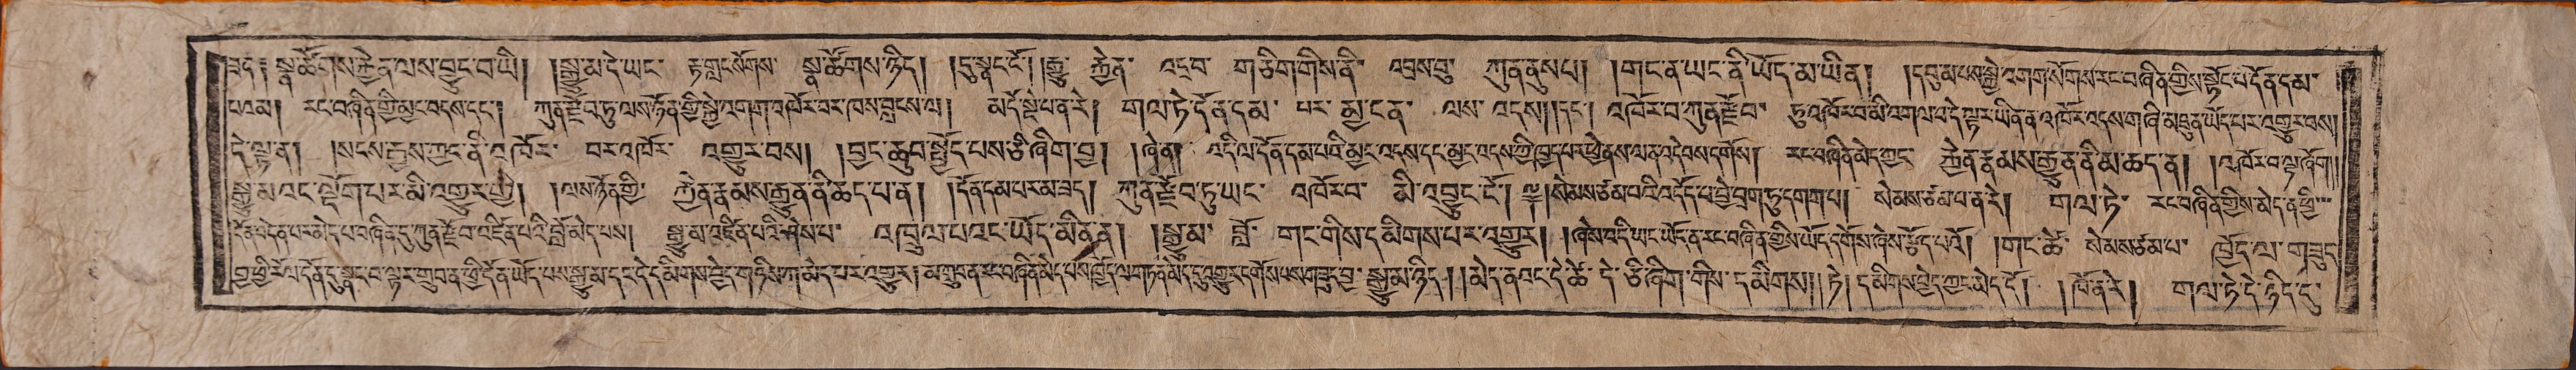ཟད༑ སྣ་ཚོགས་རྐྱེན་ལས་བྱུང་བ་ཡི། །སྒྱུ་མ་དེ་ཡང་རྟ་གླང་སོགས་སྣ་ཚོགས་ཉིད། །དུ་སྣང་ངོ། །རྒྱུ་རྐྱེན་འདྲ་བ་གཅིག་གིས་ནི་འབྲས་བུ་ཀུན་ནུས་པ། །གང་ན་ཡང་ནི་ཡོད་མ་ཡིན། །དབུ་མ་པས་སྐྱེ་འགག་སོགས་རང་བཞིན་གྱིས་སྟོང་པ་དོན་དམ་
བའམ། རང་བཞིན་གྱི་མྱང་འདས་དང་། ཀུན་རྫོབ་ཏུ་ལས་ཉོན་གྱི་སྐྱེ་འགག་འཁོར་བར་ཁས་བླངས་ལ། མདོ་སྡེ་པ་ན་རེ། གལ་ཏེ་དོན་དམ་བར་མྱ་ངན་ལས་འདས། །དང་།  འཁོར་བ་ཀུན་རྫོབ་ཏུ་འཁོར་བ་མི་འགལ་བ་དེ་ལྟར་ཡིན་ན་འཁོར་འདས་གཞི་མཐུན་ཡོད་པར་འགྱུར་བས།
དེ་ལྟ་ན། །སངས་རྒྱས་ཀྱང་ནི་འཁོར་པར་འཁོར་འགྱུར་བས། །བྱང་ཆུབ་སྤྱོད་པས་ཅི་ཞིག་བྱ། །ཞེ་ན། འདི་ལ་དོན་དམ་པའི་མྱང་འདས་དང་མྱང་འདས་ཀྱི་ཁྱད་བར་ཕྱེ་ནས་ལན་འདེབས་དགོས། རང་བཞིན་མེད་ཀྱང་རྐྱེན་རྣམས་རྒྱུན་ནི་མ་ཆད་ན། །འཁོར་བ་ལྟ་ཞོག།།
སྒྱུ་མའང་ལྡོག་པར་མི་འགྱུར་གྱི། །ལས་ཉོན་གྱི་རྒྱེན་རྣམས་རྒྱུན་ནི་ཆད་པ་ན། །དོན་དམ་པར་མ་ཟད་ཀུན་རྫོབ་ཏུ་ཡང་འཁོར་བ་མི་འབྱུང་ངོ། ༈ །སེམས་ཙམ་པའི་འདོད་པ་བྱེ་བྲག་ཏུ་དགག་པ། སེམས་ཙམ་པ་ན་རེ།  གལ་ཏེ་རང་བཞིན་གྱིས་མེད་ན་ཕྱི་
དོན་བདེན་པར་མེད་པ་བཞིན་དུ་ཀུན་རྫོབ་འཛིན་པའི་བློ་མེད་པས། སྒྱུ་མ་འཛིན་པའི་ཤེས་པ་འཁྲུལ་པའང་ཡོད་མིན་ན། སྒྱུ་མ་བློ་གང་གིས་དམིགས་པར་འགྱུར། །ཞེས་འདི་ཡང་ཡོད་ན་རང་བཞིན་གྱིས་ཡོད་དགོས་ཞེས་རྩོད་པའོ།  གང་ཚེ་སེམས་ཙམ་པ་ཁྱོད་ལ་གཟུང་
པ་ཕྱི་རོལ་དོན་དུ་སྣང་བ་ལྟར་བ་ལྟར་གྲུབ་ན་ཕྱི་དོན་ཡོད་པས་སྒྱུ་མ་དང་དེ་དམིགས་བྱེད་གཉིས་ཀ་མེད་པར་འགྱུར། མ་གྲུབ་ན་རང་བཞིན་མེད་པས་ཁྱོད་ལས་གཏན་མེད་དུ་འགྱུར་དགོས་པས་གཟུང་བྱ་སྒྱུ་མ་ཉིད། །མེད་ནའང་དེ་ཚེ་དེ་ཅི་ཞིག་གིས་དམིགས། །ཏེ། དམིགས་བྱེད་ཀྱང་མེད་དོ། །ཁོ་ན་རེ།  གལ་ཏེ་དེ་ཉིད་དུ་